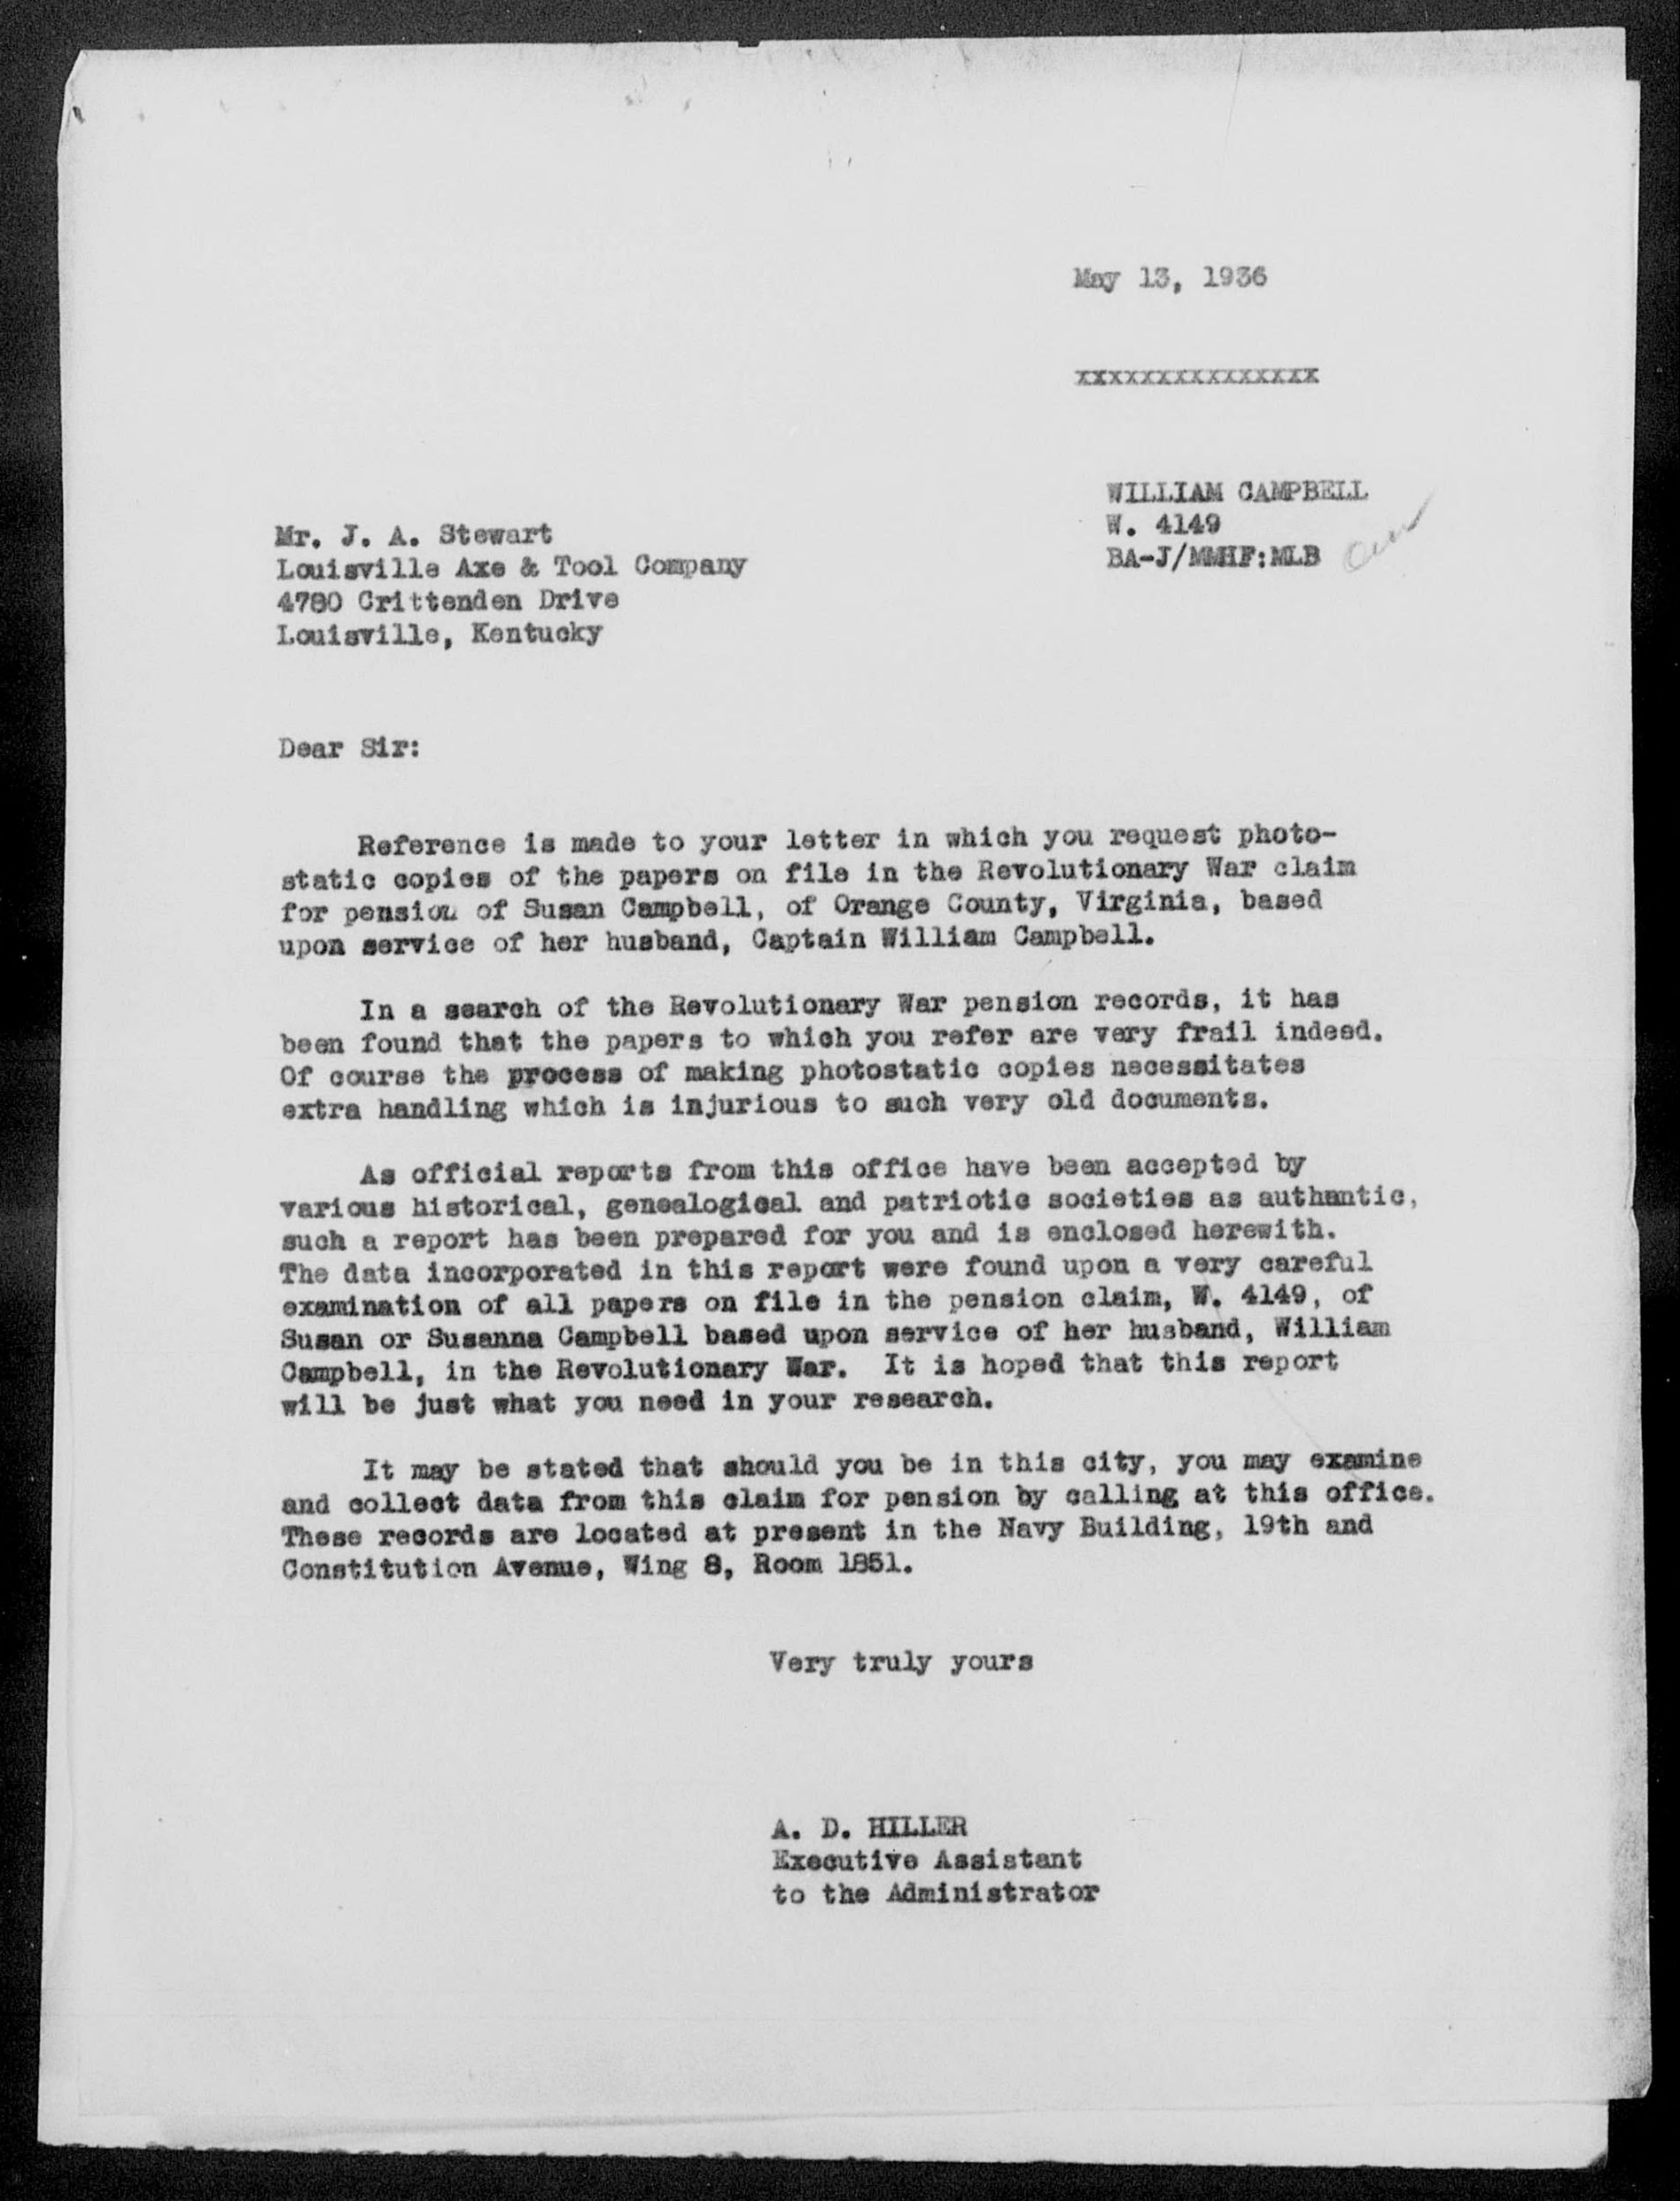May 13, 1936
XXXXXXXXXXXXXXX
WILLIAM CAMPBELL
W. 4149
BA - J/MMHF: MLB

Mr. J. A. Stewart
Louisville Axe & Tool Company
4780 Crittenden Drive
Louisville, Kentucky

Dear Sir:

Reference is made to your letter in which you request photostatic copies of the papers on file in the Revolutionary War claim for pension of Susan Campbell, of Orange County, Virginia, based upon service of her husband, Captain William Campbell.
In a search of the Revolutionary War pension records, it has been found that the papers to which you refer are very frail indeed. Of course the process of making photostatic copies necessitates extra handling which is injurious to such very old documents.
As official reports from this office have been accepted by various historical, genealogical and patriotic societies as authentic, such a report has been prepared for you and is enclosed herewith. The data incorporated in this report were found upon a very careful examination of all papers on file in the pension claim, W. 4149, of Susan or Susanna Campbell based upon service of her husband, William Campbell, in the Revolutionary War. It is hoped that this report will be just what you need in your research.
It may be stated that should you be in this city, you may examine and collect data from this claim for pension by calling at this office. These records are located at present in the Navy Building, 19th and Constitution Avenue, Wing 8, Room 1851.
Very truly yours
A. D. HILLER
Executive Assistant
to the Administrator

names: William Campbell, Susanna Campbell, A D Hiller, Susan Campbell, Susan Campbell, William Campbell, William Campbell, J A Stewart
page: 267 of 267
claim: widow's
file: W. 4,149, William Campbell, Va.